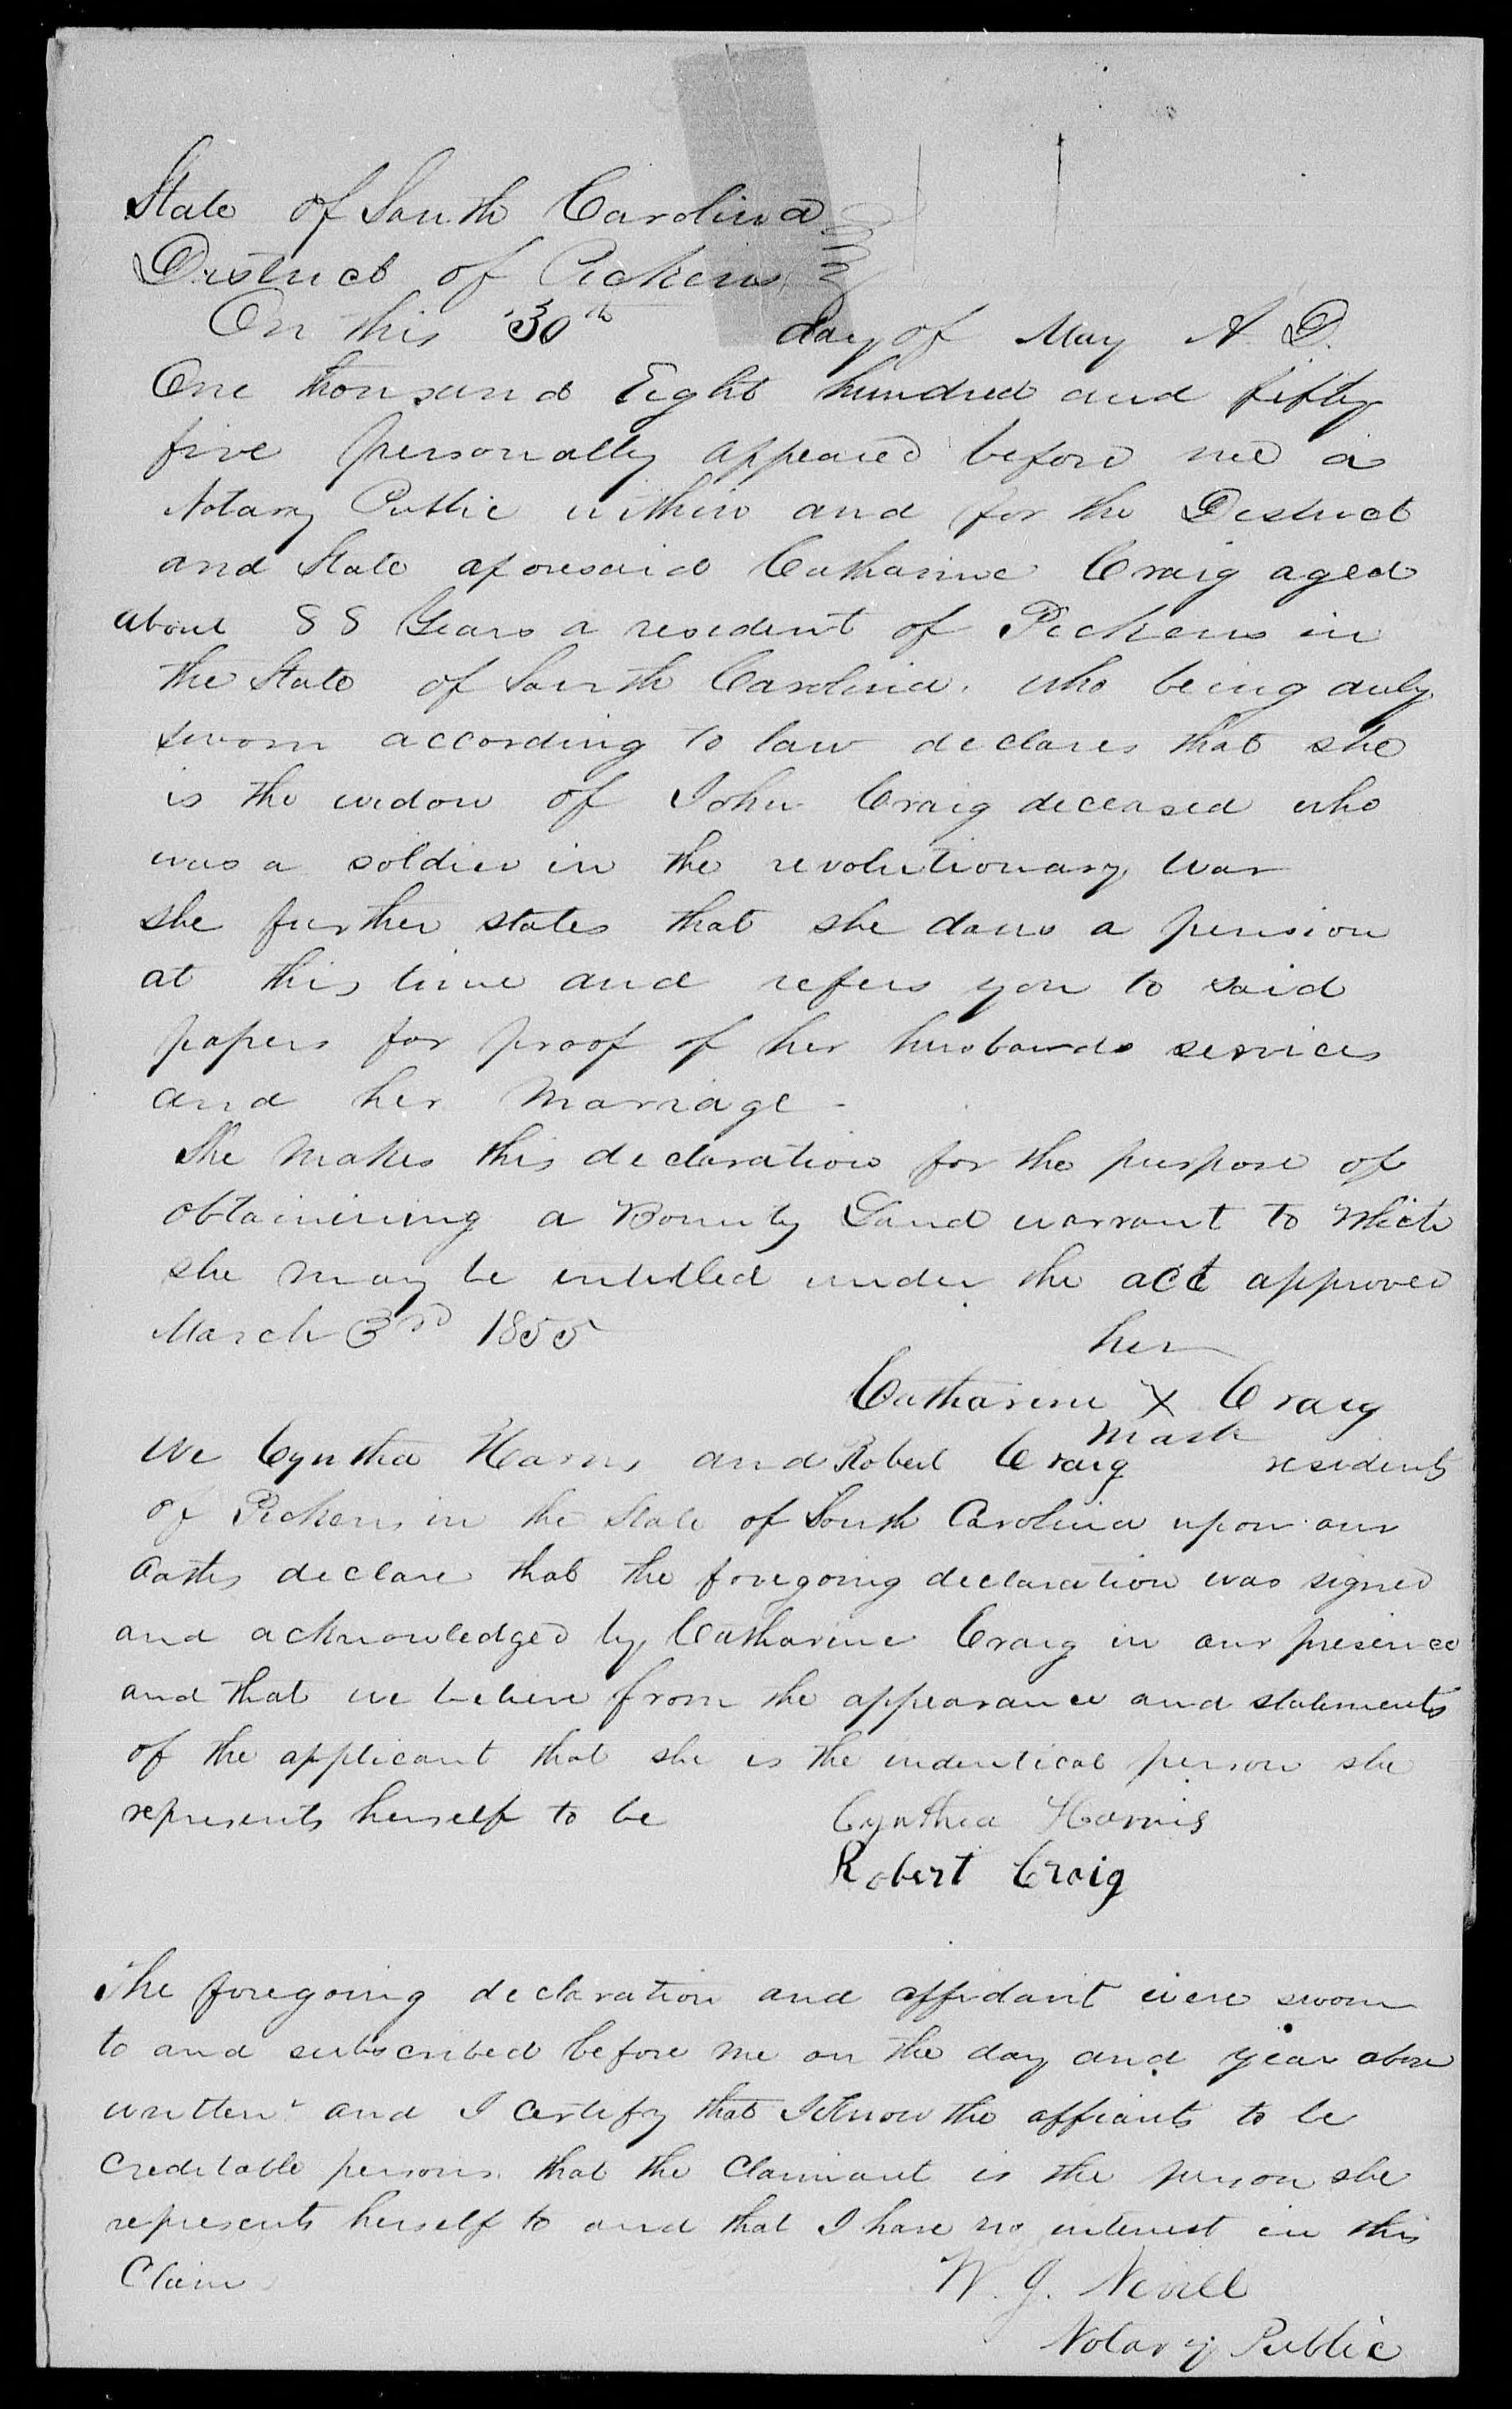State of South Carolina
District of Pickens

On this 30th day of May A.D. one thousand Eight hundred and fifty five personally appeared before me a Notary Public within and for the District and State aforesaid Catharine Craig aged about 88 years a resident of Pickens in the State of South Carolina, who being duly sworn according to law declares that she is the widow of John Craig deceased who was a soldier in the revolutionary war

she further states that she dous a pension at this time and refers you to said papers for proof of her husbands service and his marriage.

She makes this declaration for the purpose of obtaining a Bounty Land warrant to which she may be entitled under the act approved March 3rd 1855

Catharine (her mark x) Craig

We Cynthia Harris and Robert Craig residents of Pickens in the State of South Carolina upon our oaths declare that the foregoing declaration was signed and acknowledged by Catharine Craig in our presence and that we believe from the appearance and statements of the applicant that she is the identical person she represents herself to be.
Cynthia Harris
Robert Craig
The foregoing declaration and affidavit were sworn to and subscribed before me on the day and year above written and I certify that I know the affiants to be creditable persons. 
That the claimant is the person she represents herself to and that I have no interest in this claim.
W. J. Nevill
Notary Public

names: Robert Craig, Catharine Craig, John Craig, Robert Craig, Cyntha Harris, W J Nevill, Catharine Craig, Catharine Craig, Cynthia Harris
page: 15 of 55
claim: widow's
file: W. 22864, John Craig, S.C. Born In Iceland